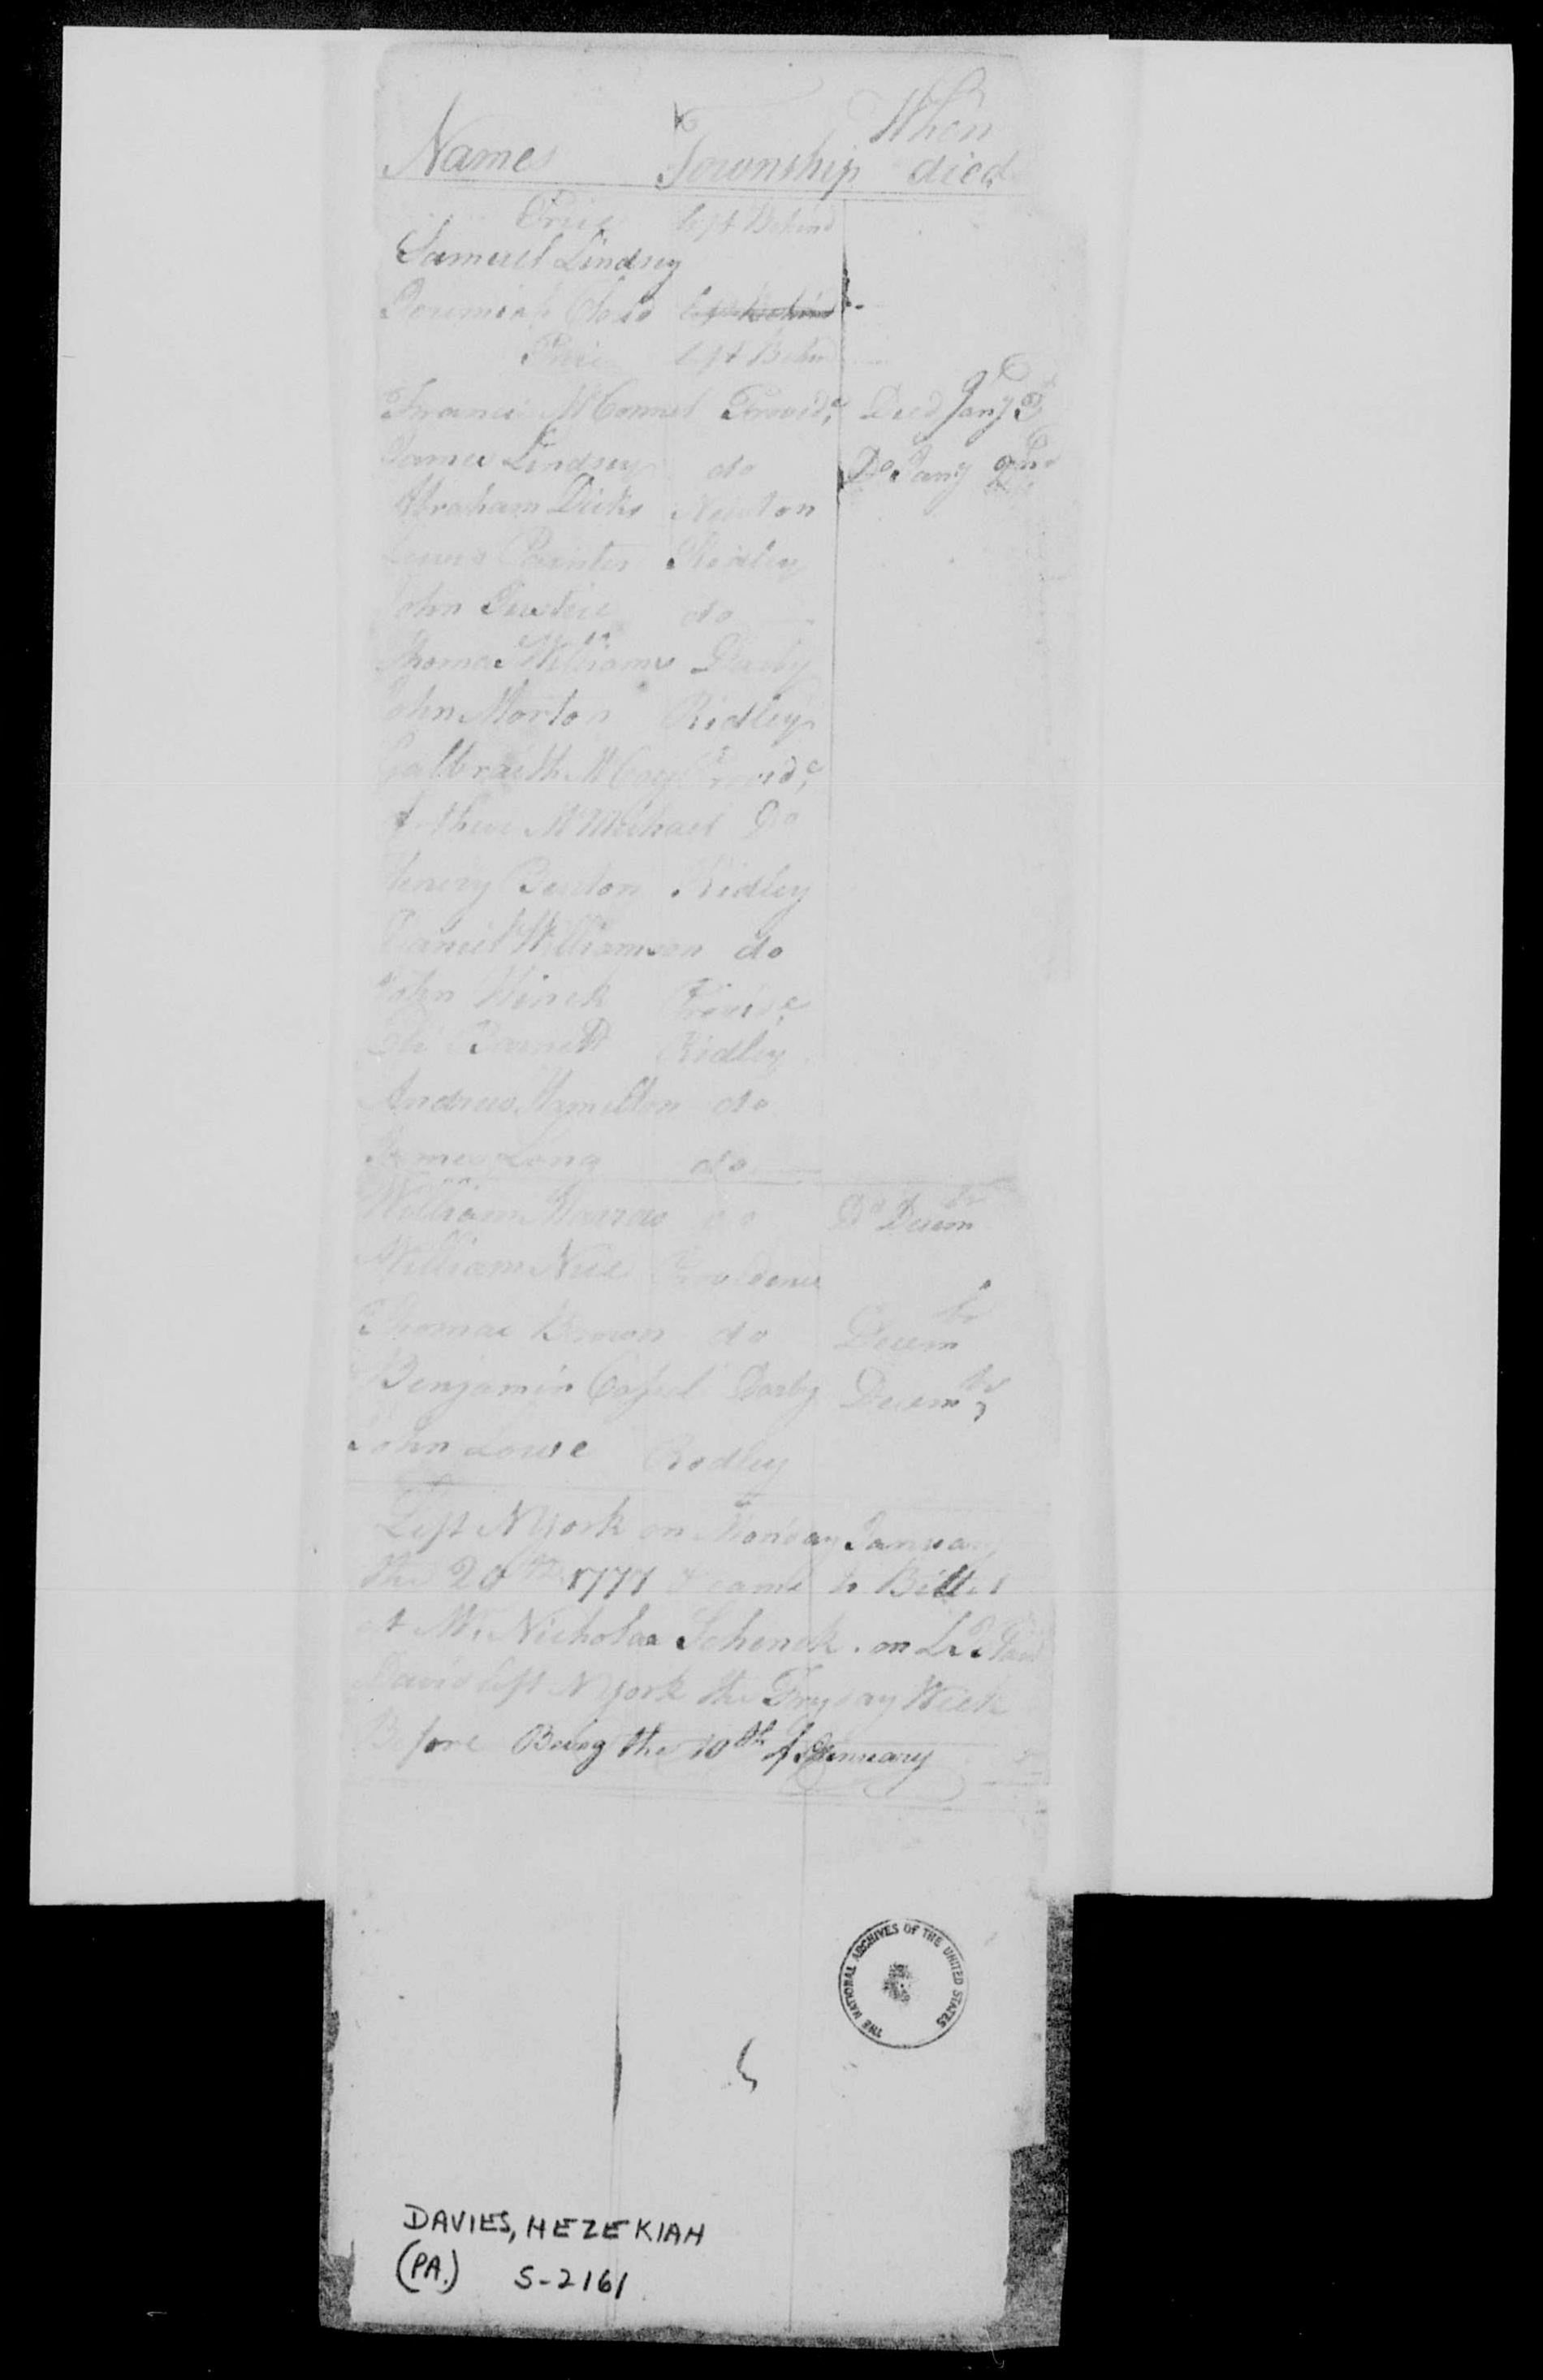[print is very faint] 
[headings] Names. Township. When died. 
Erie left Behind
Samuel Lindsey
Jeremiah Cloed
Pri left Behind
Francis St Connet | Provide. | Died Jany 3d
James Lindsay | do | Do Jany 2nd
Abraham Dieks | Newton
Lewis Painter | Ridley
John Justice | do
Thomas Williams | Darby
John Morton | Ridley
Galbraith H Coy | Provde.
Arthur McErhart | 
Henery Benton | Ridley
Samuel Williamson | do
John Hinch | Prive.
Th Barnett | Ridley
Andrew Hamilton | do
James Long | do
William Harris | do | Dd. Decembr
William Ness | Providence 
Thomas Brown | do | Decembr
Benjamin Cas [illegible | Darby | Decembr
John Lowe | Bodley 

Left N York on Monday, January 
the 24th 1777 & came to Bitter 
at Mr. Nicholas Schenek on L Island
David left N York the Fryday with
Before Being the 10th of January

[circular stamp] THE NATIONAL ARCHIVES OF THE UNITED STATES

DAVIES, HEZEKIAH
(PA.) S-2161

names: Abraham Driler, Andrew Hamilton, Isaac Crane, John Hinch, William Vase, Thomas Lindsey, Gilbreath, , Thomas Turner, Francis W Connel, Harry Preston, , Arthur, Samuel Lindsey, Benjamin Casper, Hezekiah Davies, John Horton, Thomas Evans, John Tomlin, Nicholas Schonell, Francis Child, John Lowe, Thomas Williams, John T Williamson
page: 53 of 57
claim: survivor's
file: S. 2161, Hezekiah Davies, Penn